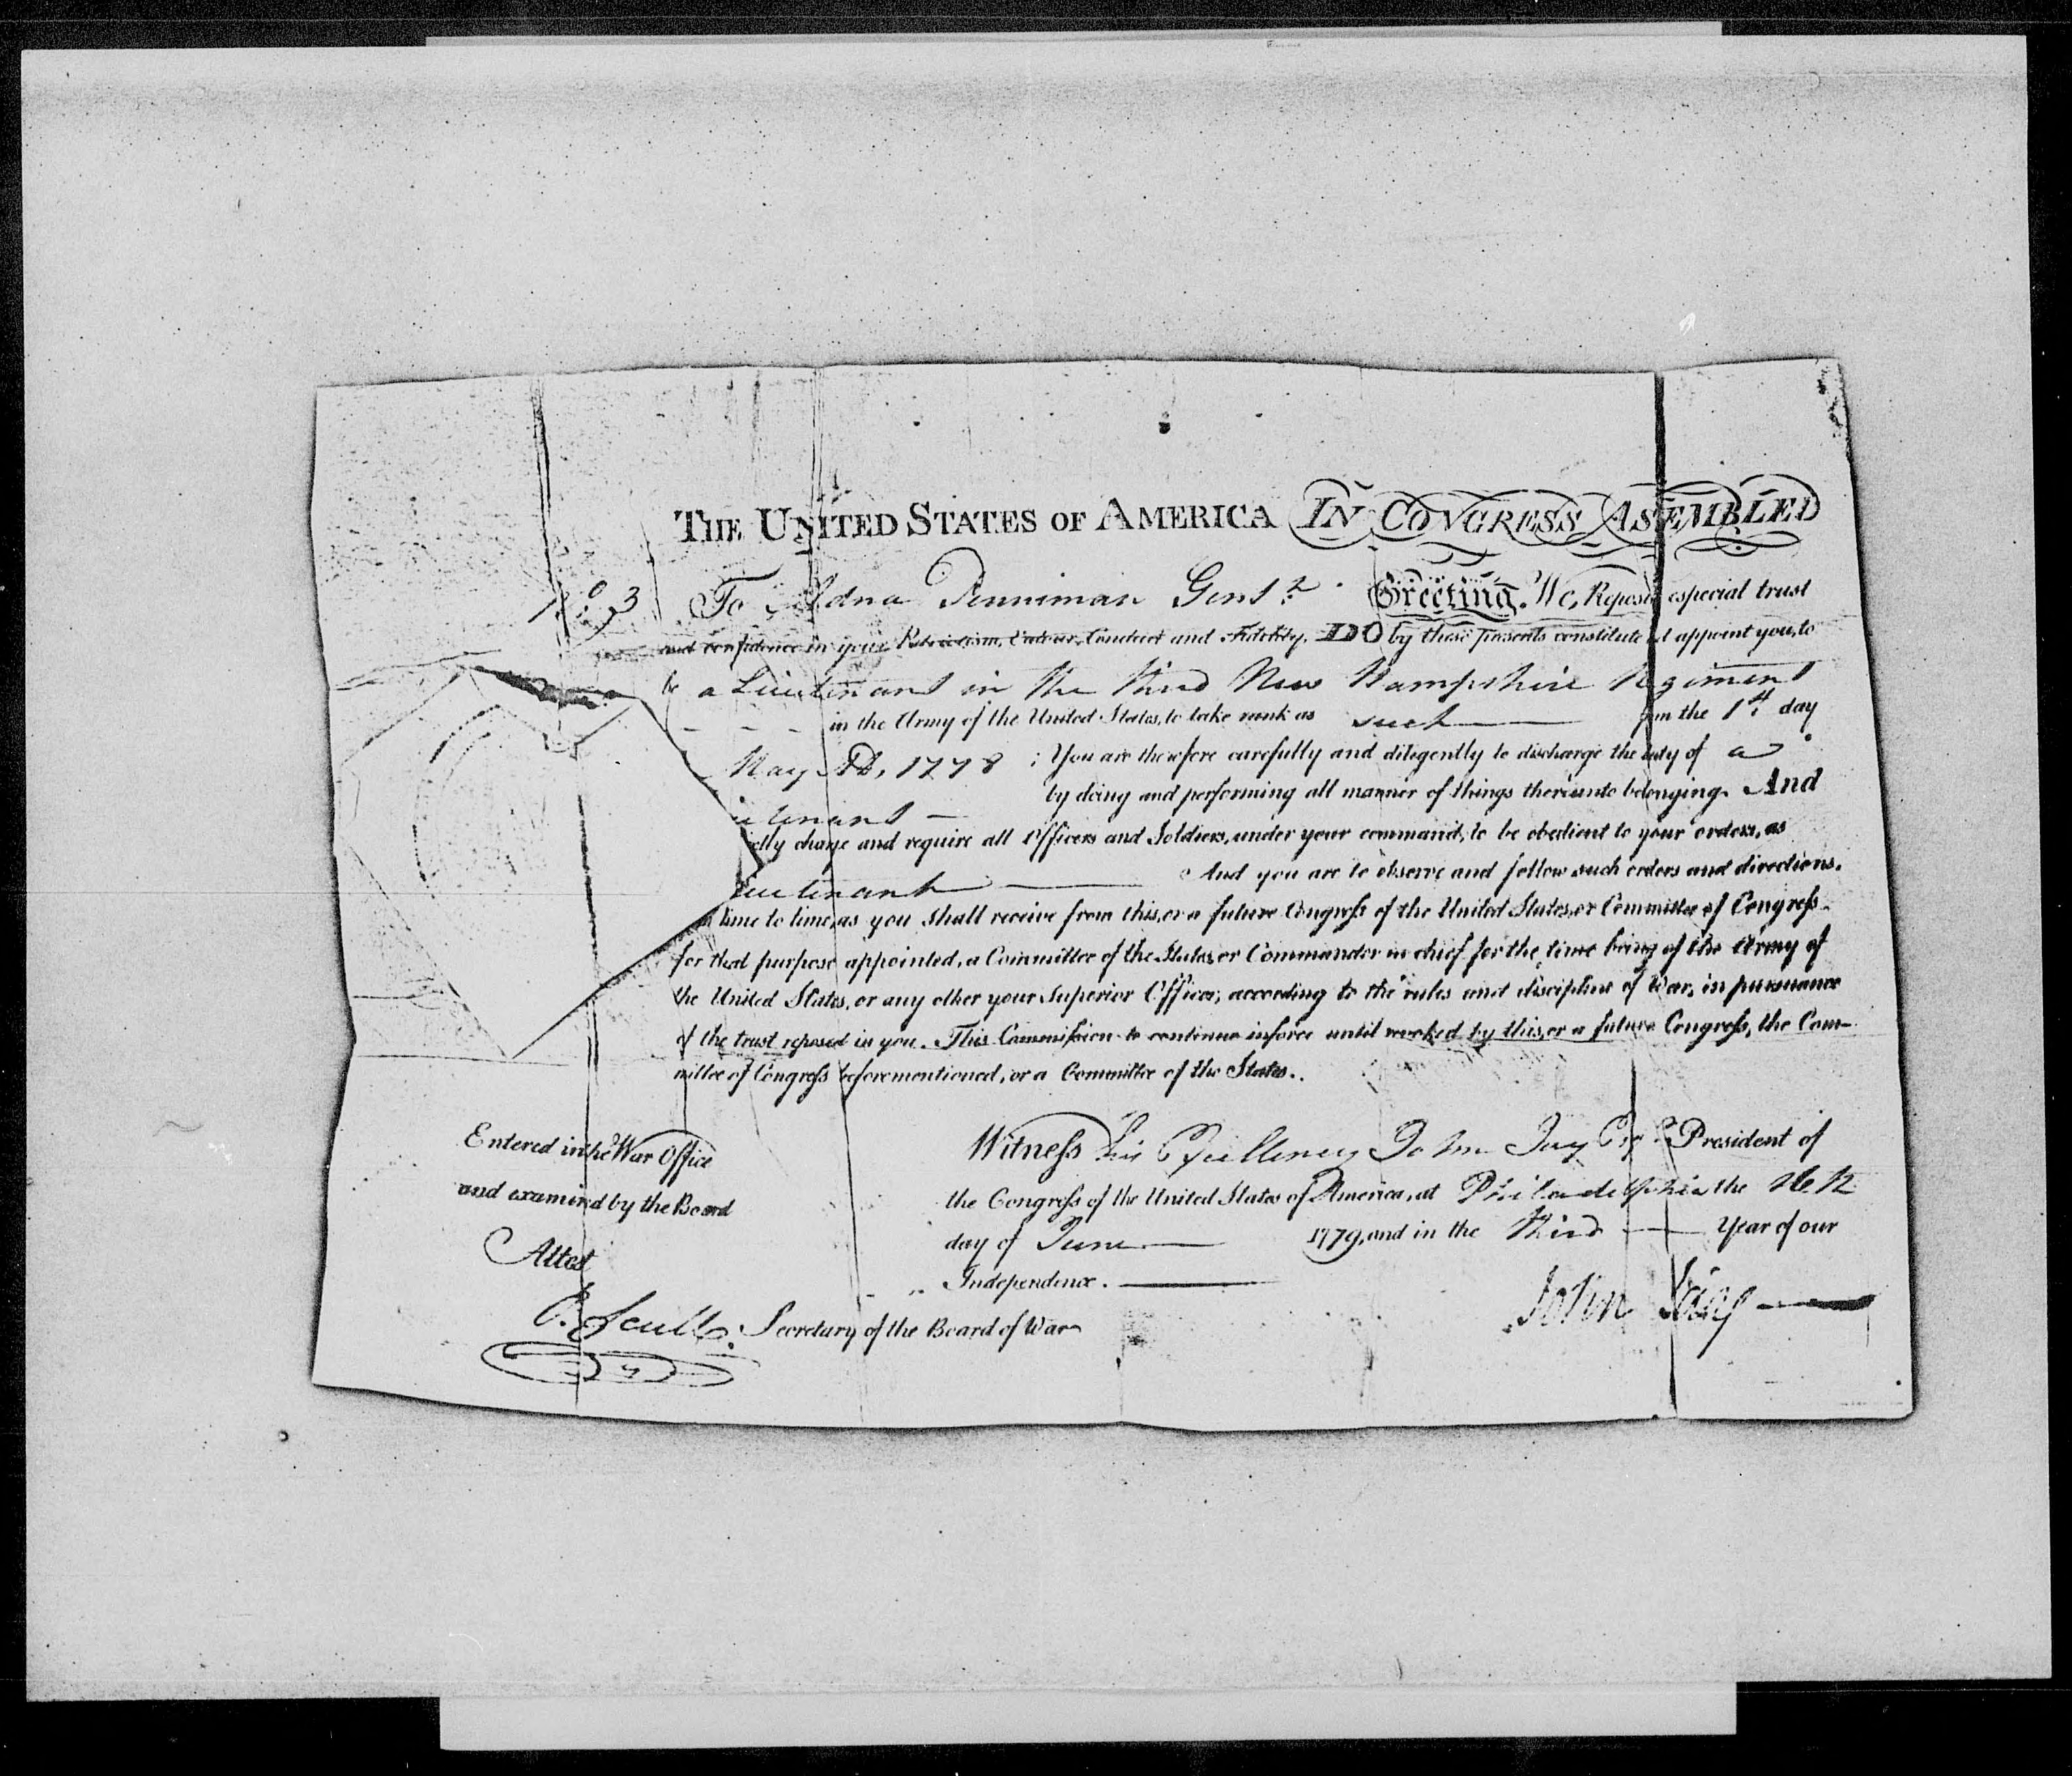THE UNITED STATES OF AMERICA IN CONGRESS ASSEMBLED
1883 To Adna Penniman [illegible] Greeting. We repose especial trust
and confidence in your Patriotism, [illegible], Conduct and Fidelity, DO by these presents constitute and appoint you, to
be a Lieutenant in the third New Hampshire Regiment
in the Army of the United States, to take rank as such from the 14 day of May, AD, 1778; you are therefore carefully and diligently to discharge the duty of a
Lieutenant - by doing and performing all manner of things there[illegible] belonging. And
[illegible] charge and require all Officers and Soldiers, under your command, to be obedient to your orders, as
Lieutenant And you are to observe follow such orders and directions, 
from time to time as you shall receive from this or a future Congress of the United States or Committee of Congress
for that purpose appointed, a Committee of the States or Commander in chief for the time being of the Army of 
the United States, or any other your superior Officer; according to the rules and disciplines of War, in pursuance
of the trust reposed in you. This Commission to remain inforce until marked by this, or a future Congress, the Committee of Congress aforementioned, or a Committee of the States.
Witness his Excellency John Jay Esq. & President of
the Congress of the United States of America, at Philadelphia the 26th day of June 1779, and in the third year of our 
Independence.  John Jay
Entered in the War Office
and examined by the Board
Attest
P. Scull, Secretary of the Board of War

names: P Scull; John Jay; Adna Penniman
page: 11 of 13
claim: survivor's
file: S. 45065, for Adna Penniman, Massachusetts